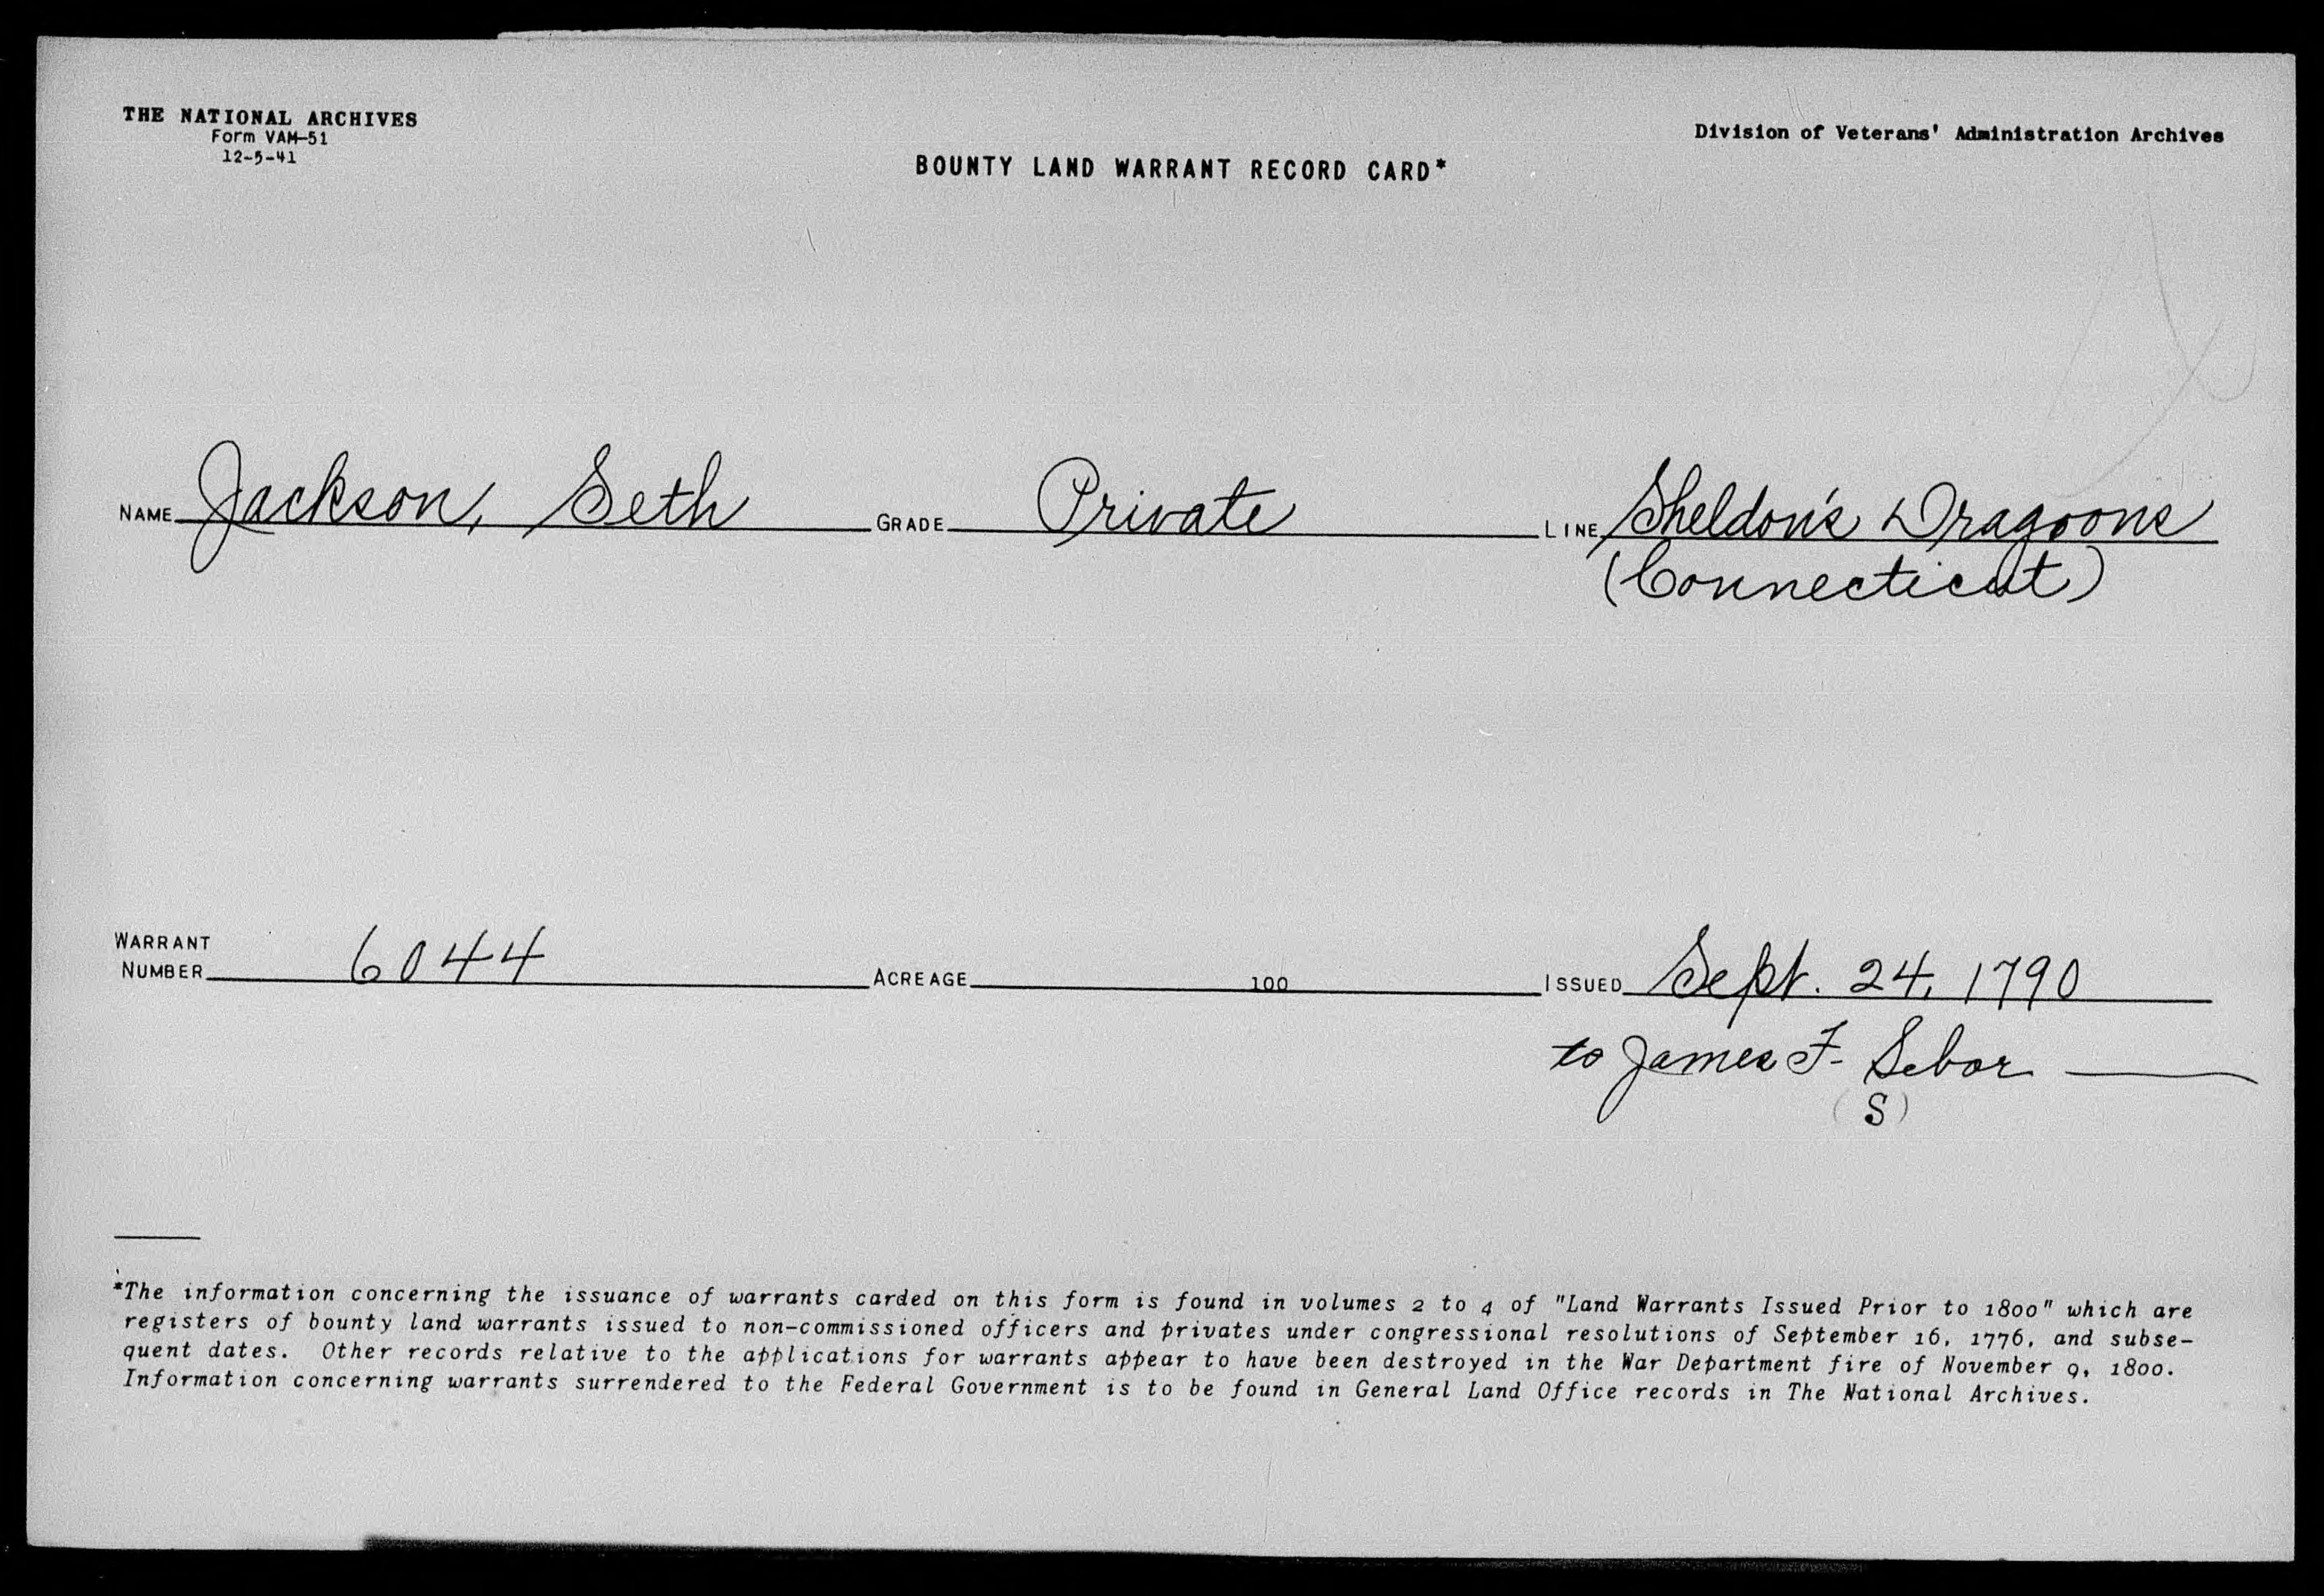THE NATIONAL ARCHIVES
Form VAM-51-
12-5-41

BOUNTY LAND WARRANT RECORD CARD*

Division of Veterans' Administration Archives

NAME Jackson, Seth   GRADE Private LINE Sheldon's Dragoons, Connecticut

WARRANT NUMBER 6044 ACREAGE 100 ISSUED Sept. 24, 1790 to James F. Sebor (S)

*The information concerning the issuance of warrants carded on this form is found in volumes 2 to 4 of ""Land Warrants Issued Prior to 1800"" which are
registers of bounty land warrants issued to non-commissioned officers and privates under congressional resolutions of September 16, 1776, and subsequent
dates. Other records relative to the applications for warrants appear to have been destroyed in the War Department fire of November 9, 1800.
Information concerning warrants surrendered to the Federal Government is to be found in General Land Office records in The National Archives.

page: 56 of 56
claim: rejected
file: R 5529, for Samuel Jackson, Virginia